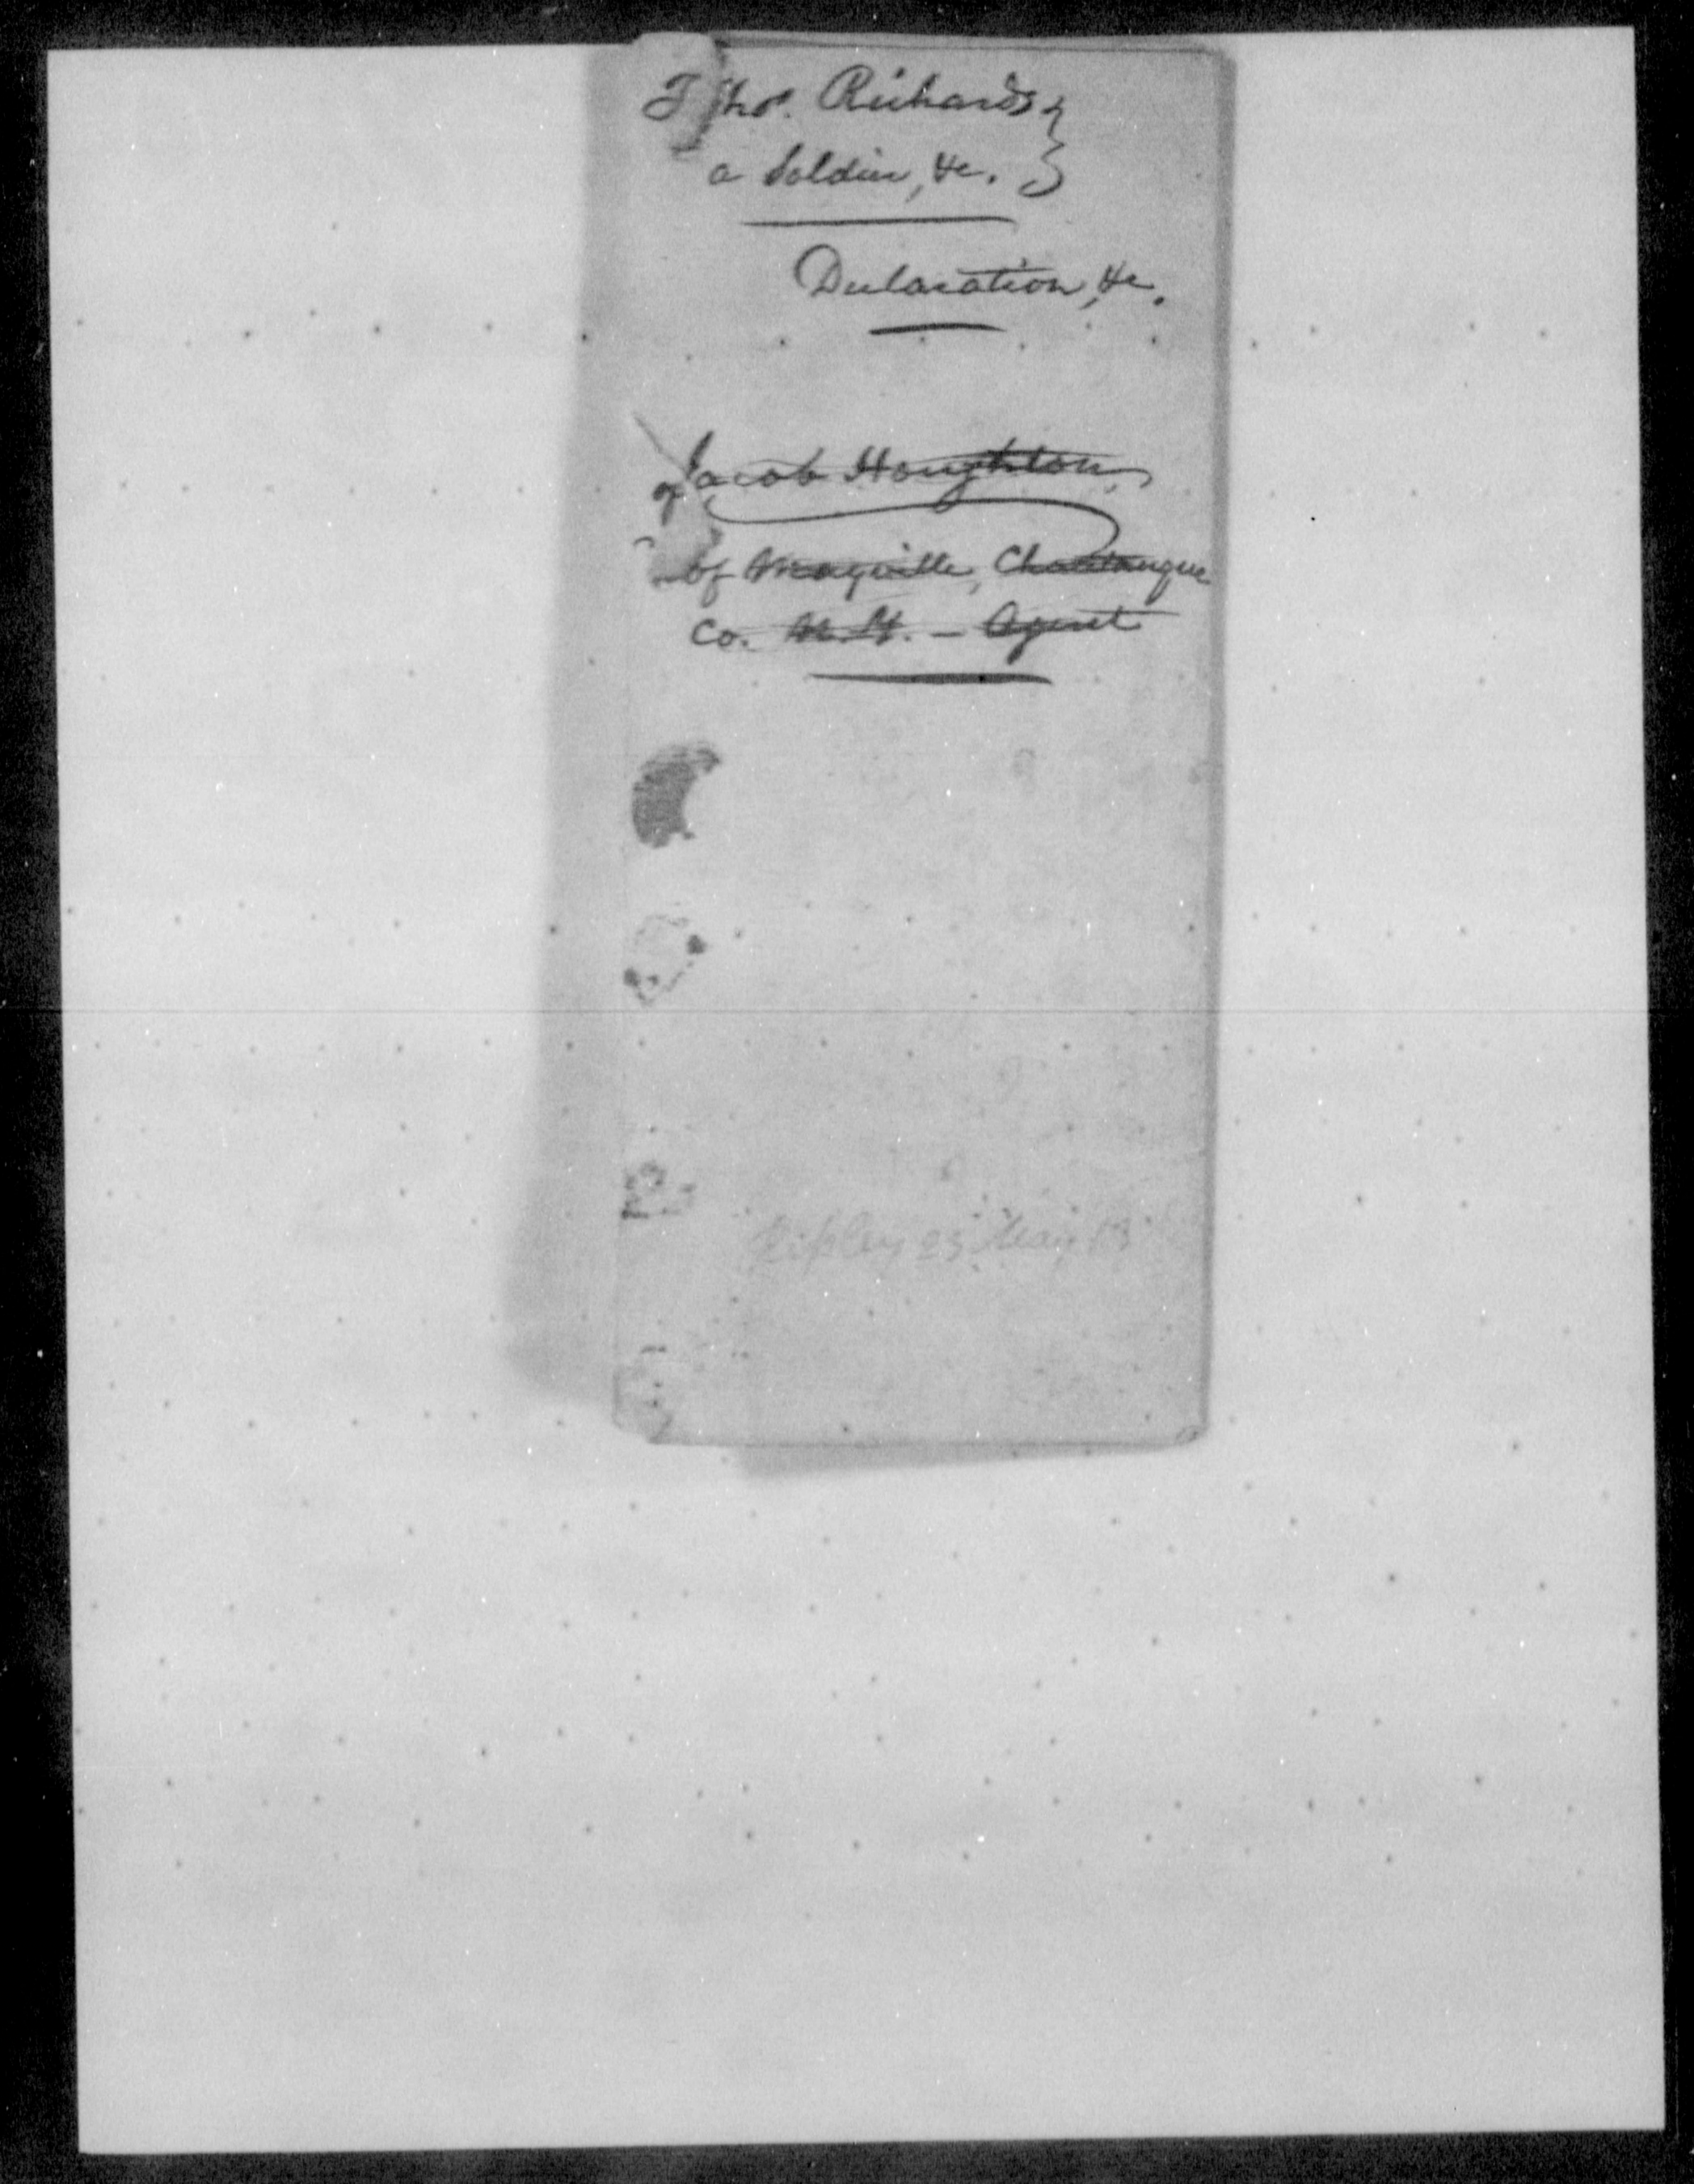Thos. [THOMAS] Richards a Soldier, &c. [ETC.]
Declaration, &c.
[following crossed out] Jacob Houghton of Mayville Chautauqua Co. [illegible] - Agent [end cross out]

23 Ripley 23 May [illegible]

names: Jacob Houghton; Thos Richards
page: 7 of 109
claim: widow's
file: W. 5709, for Thomas Richards, New Hampshire